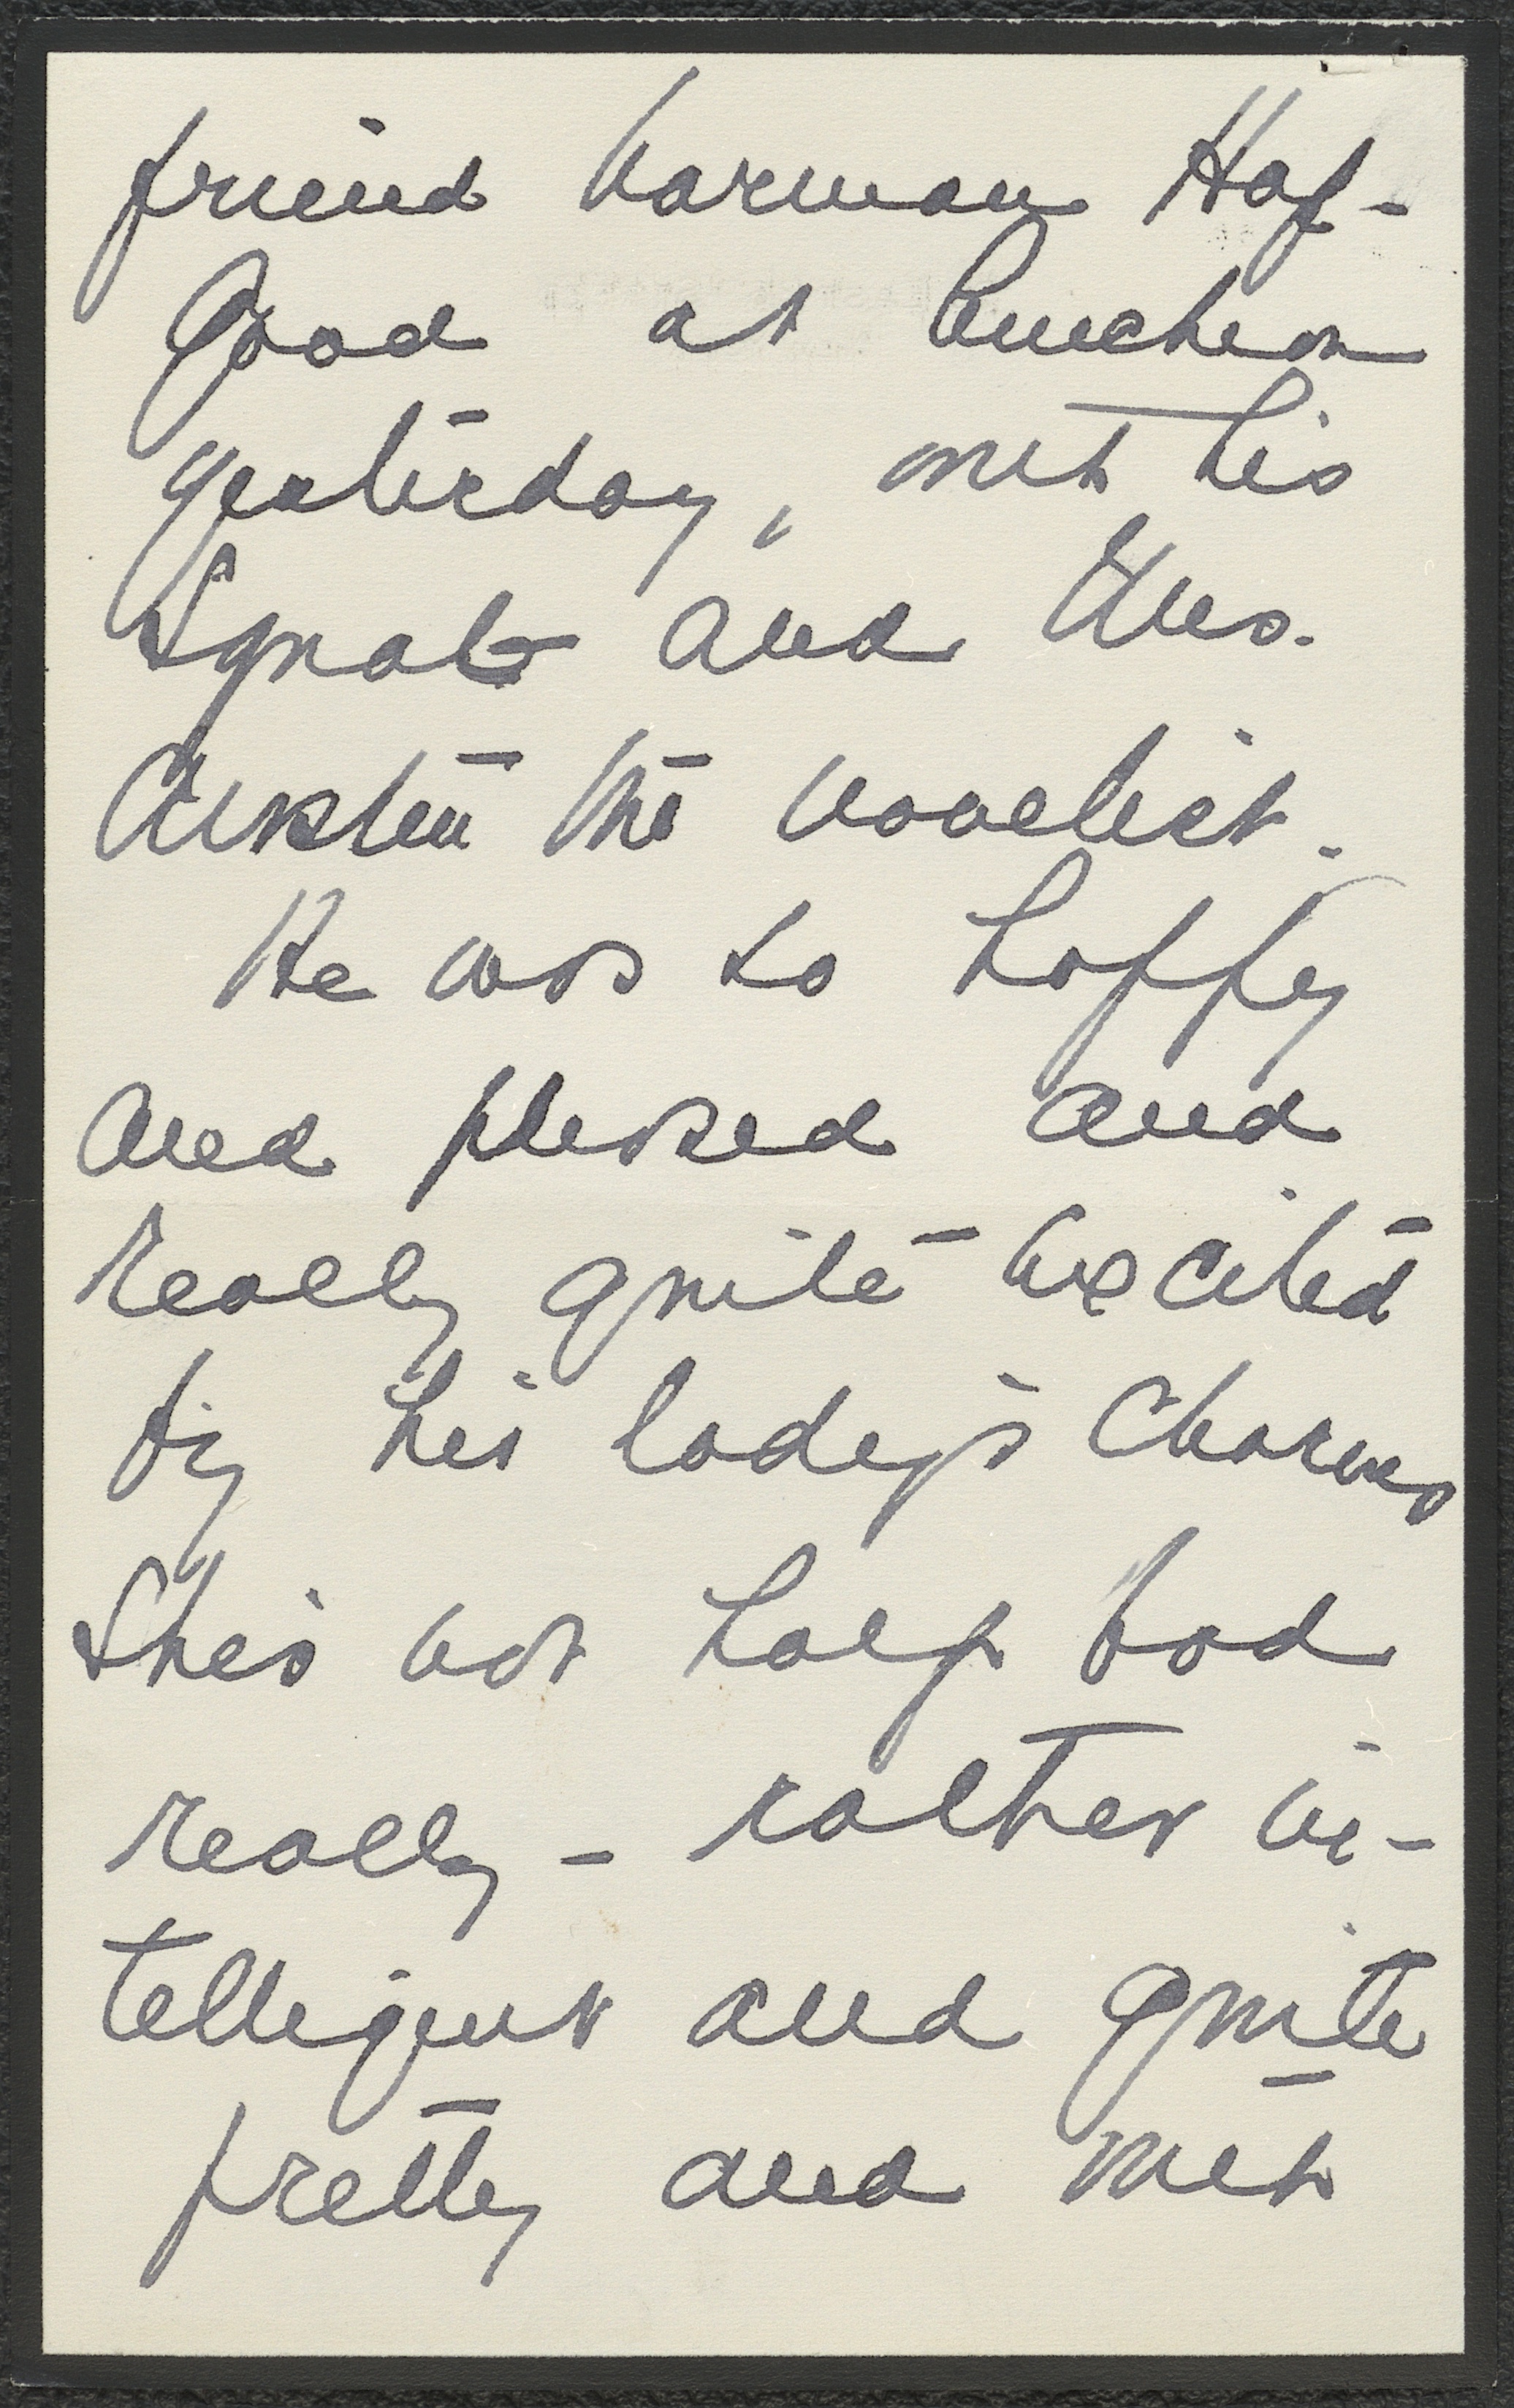friend [sic] Norman Hapgood at luncheon yesterday, with his Squaw and Mrs. Austin the novelist.
He was so happy and pleased and really quite excited by his lady’s charms She’s not half bad really – rather intelligent and quite pretty and with